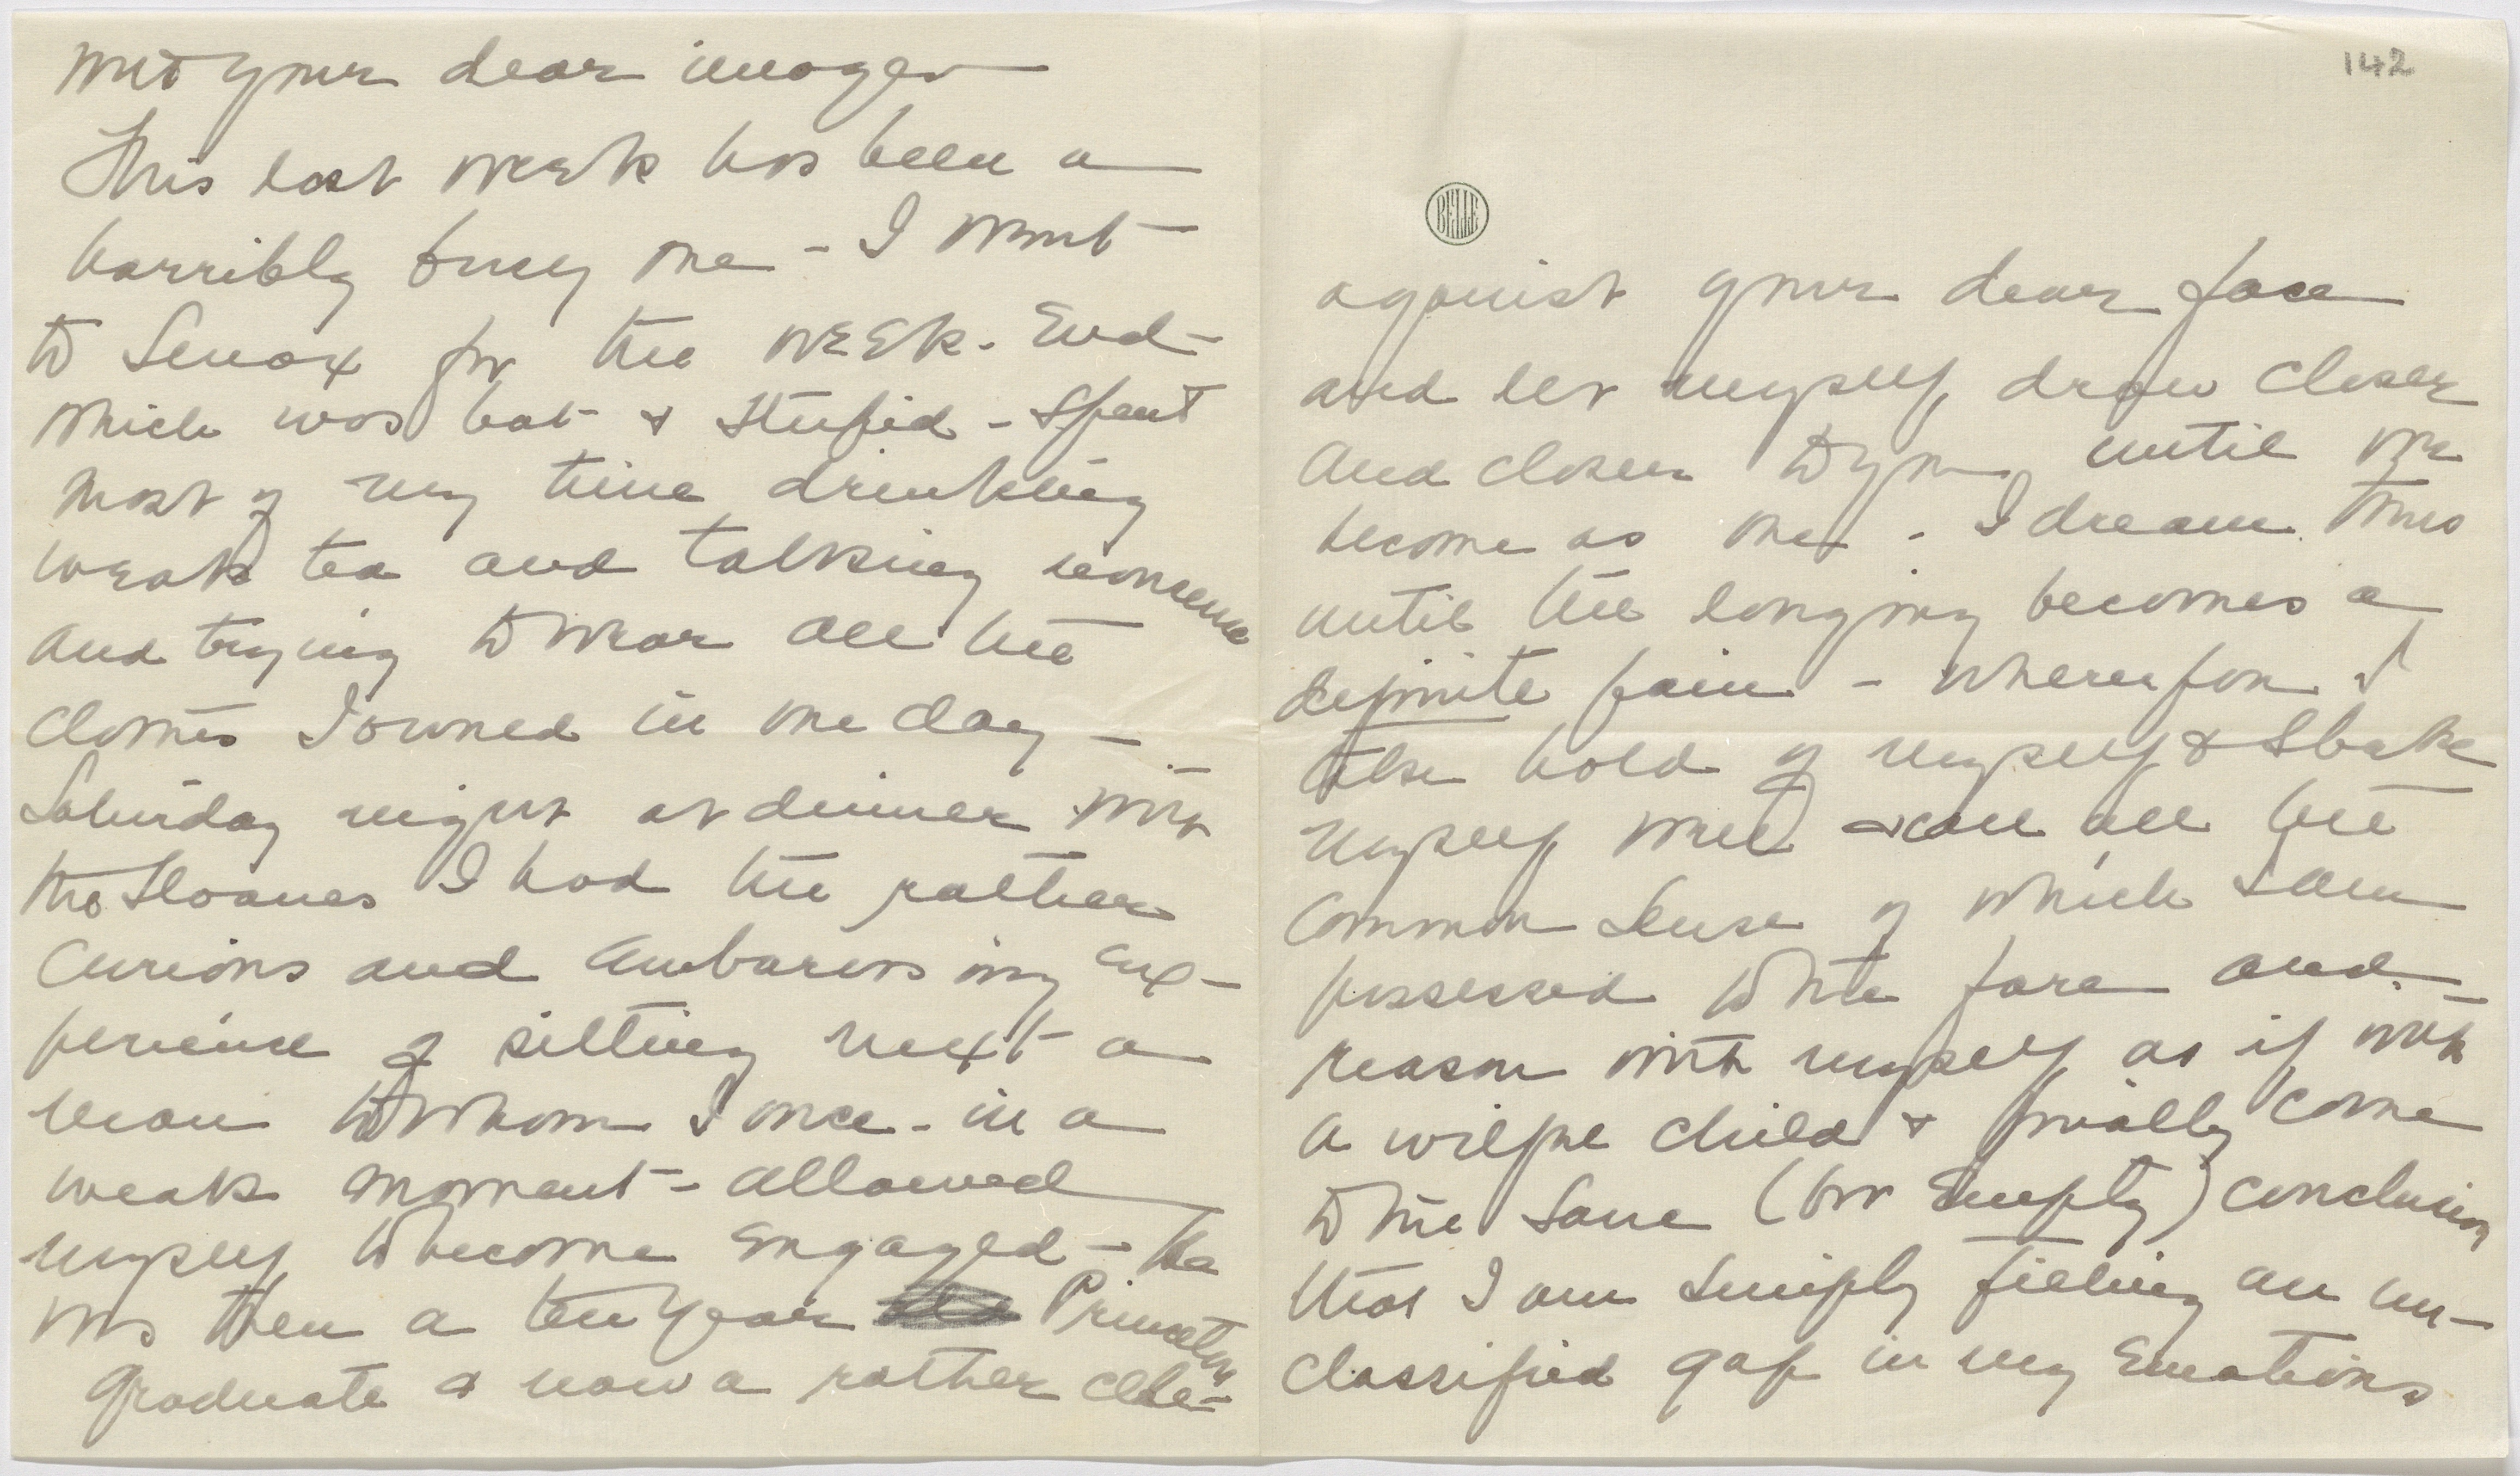against your dear face and let myself draw closer and closer to you until we become as one – I dream this until the longing becomes a definite pain – wherefore I take hold of myself & shake myself well & call all the common sense of which I am possessed to the fore and reason with myself as if with a wilful [sic] child & finally come to the sane (but empty) conclusion that I am simply filling an unclassified gap in my emotions
with your dear image –
This last week has been a horribly busy one – I went to Lenox for the week-end – which was hot & stupid – spent most of my time drinking weak tea and talking nonsense and trying to wear all the clothes I owned in one day – Saturday night at dinner with the Sloanes I had the rather curious and embarrassing experience of sitting next a man to whom I once – in a weak moment – allowed myself to become engaged – He was then a ten year old Princeton Graduate & now a rather celebrated